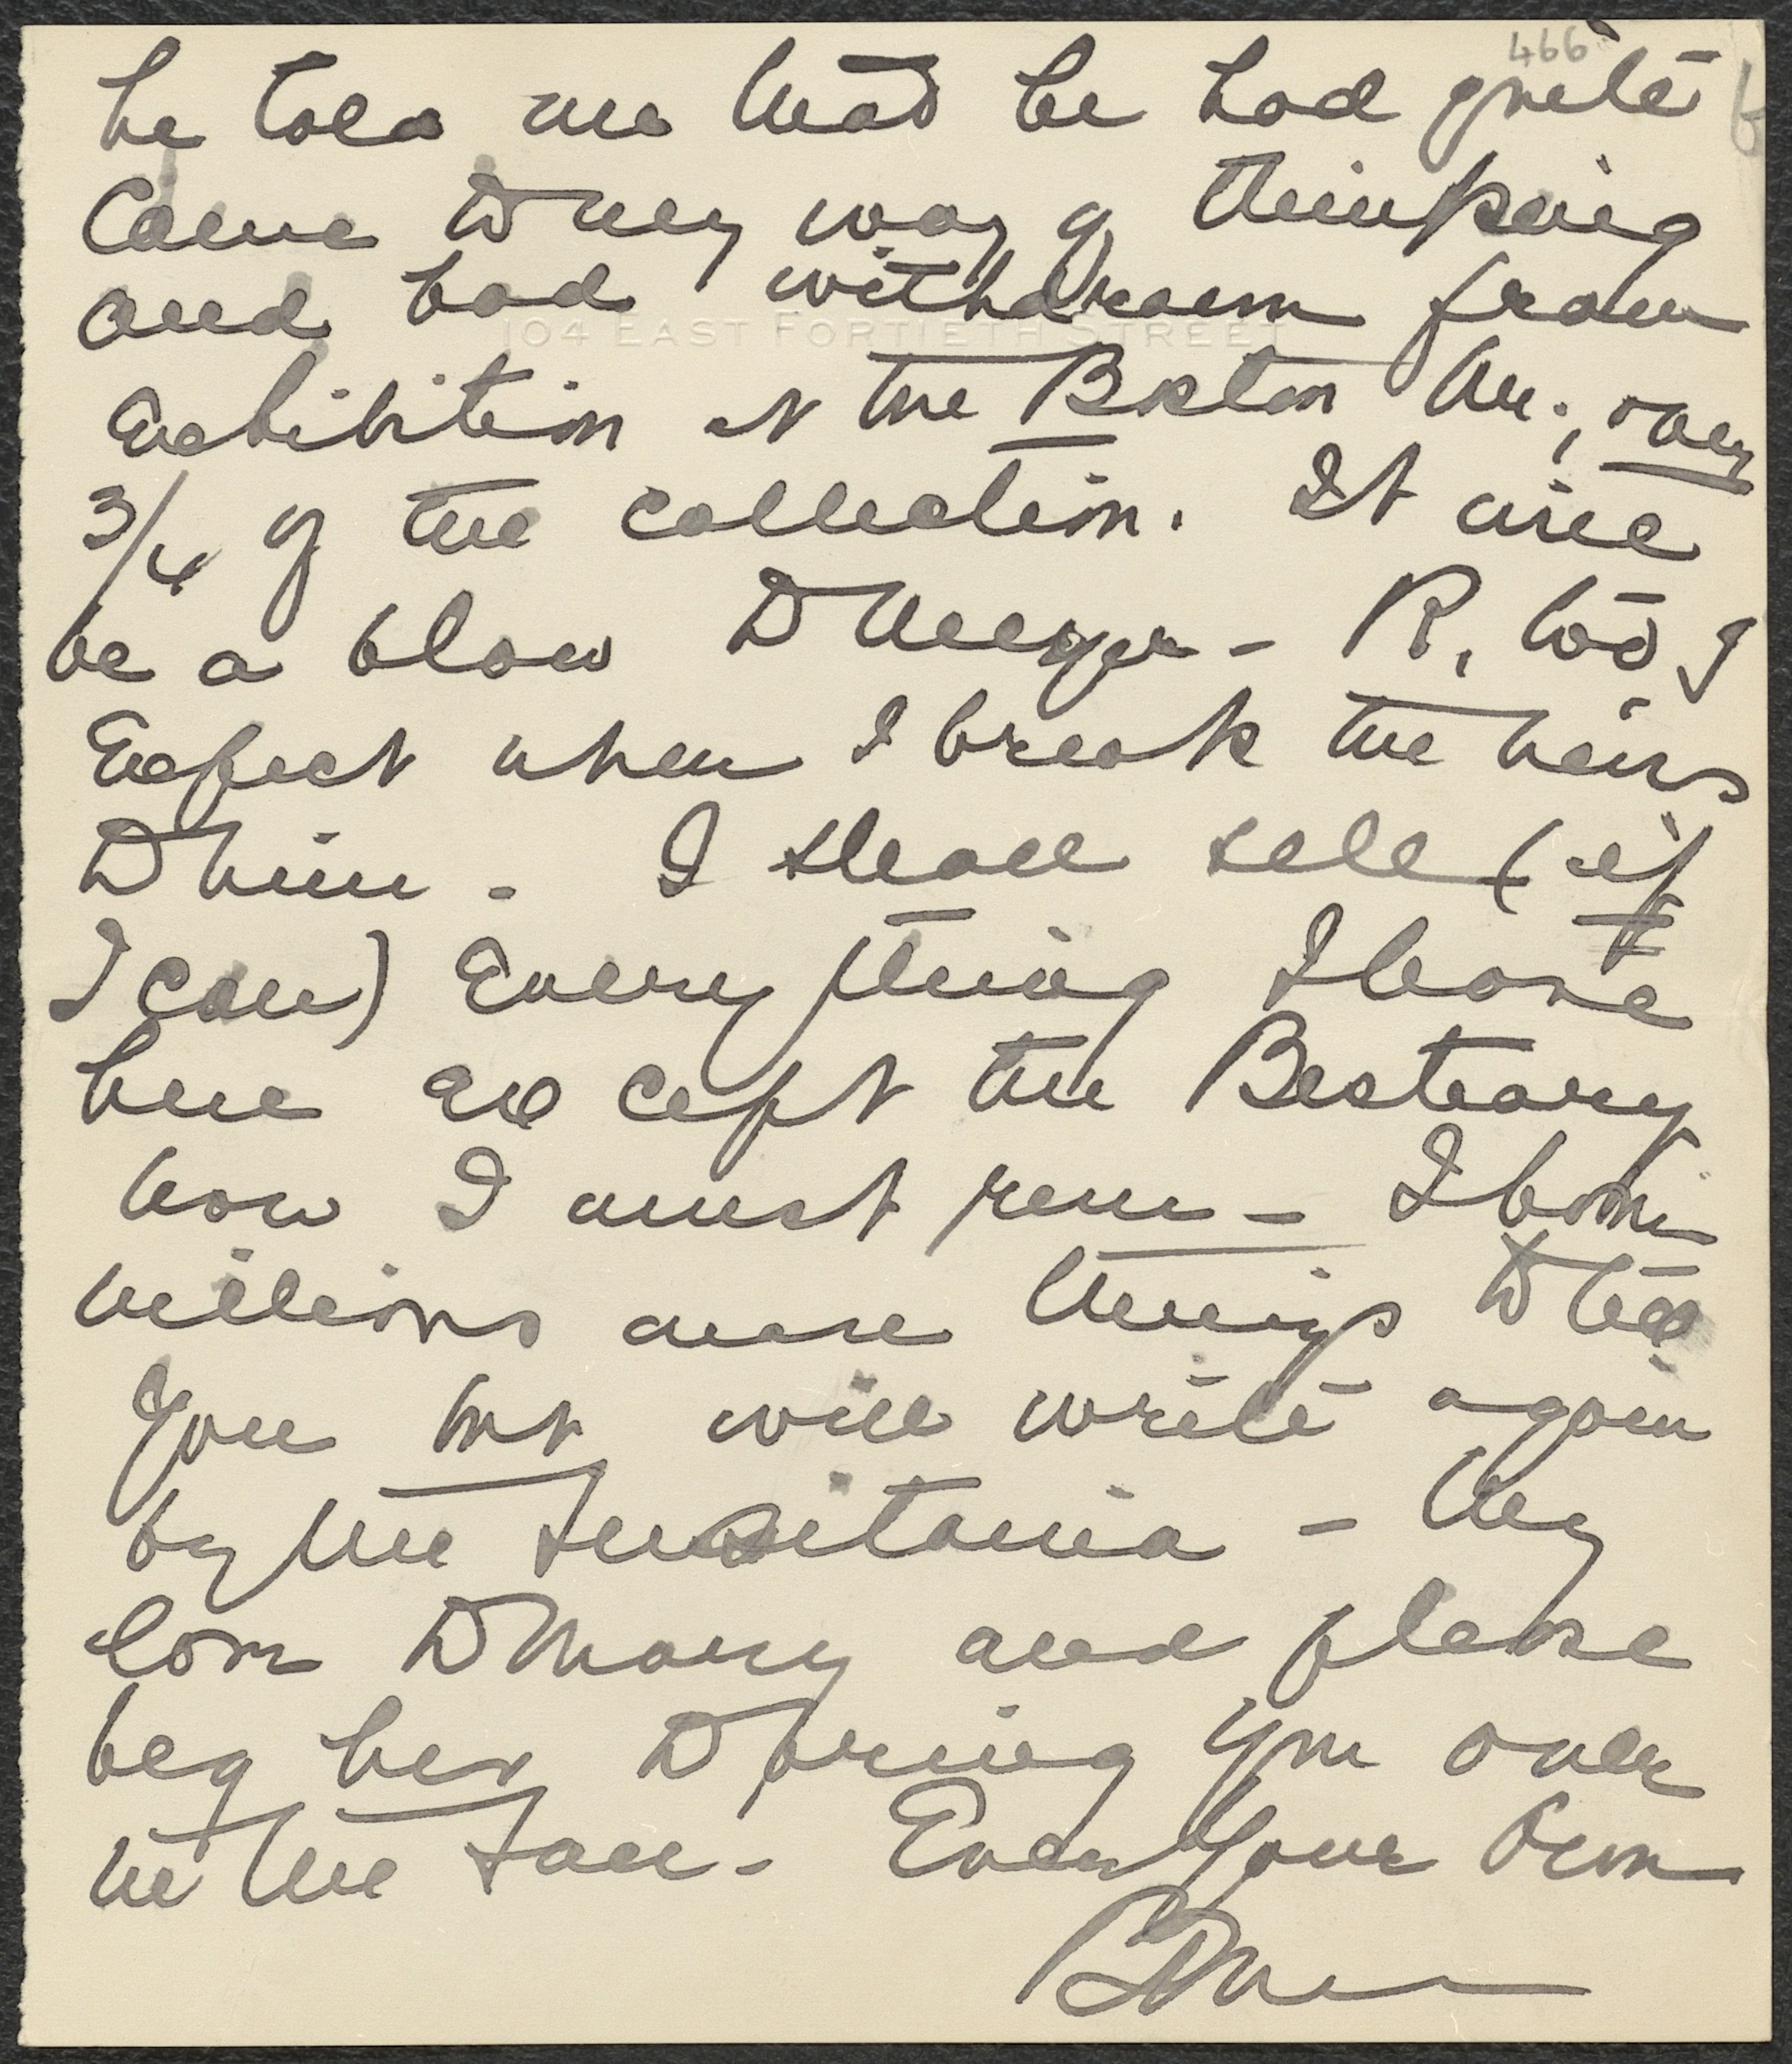he told me that he had quite come to my way of thinking and had withdrawn from exhibition at the Boston M. over ¾ of the collection. It will be a blow to Meyer-R. too I expect when I break the news to him – I shall sell ([double underlined: if] I can) everything I have here except the Bestiary now I must run – I have millions more things to tell you but will write again by the Lusitania – my love to Mary and please beg her to bring you over in the face – Ever your own
Belle